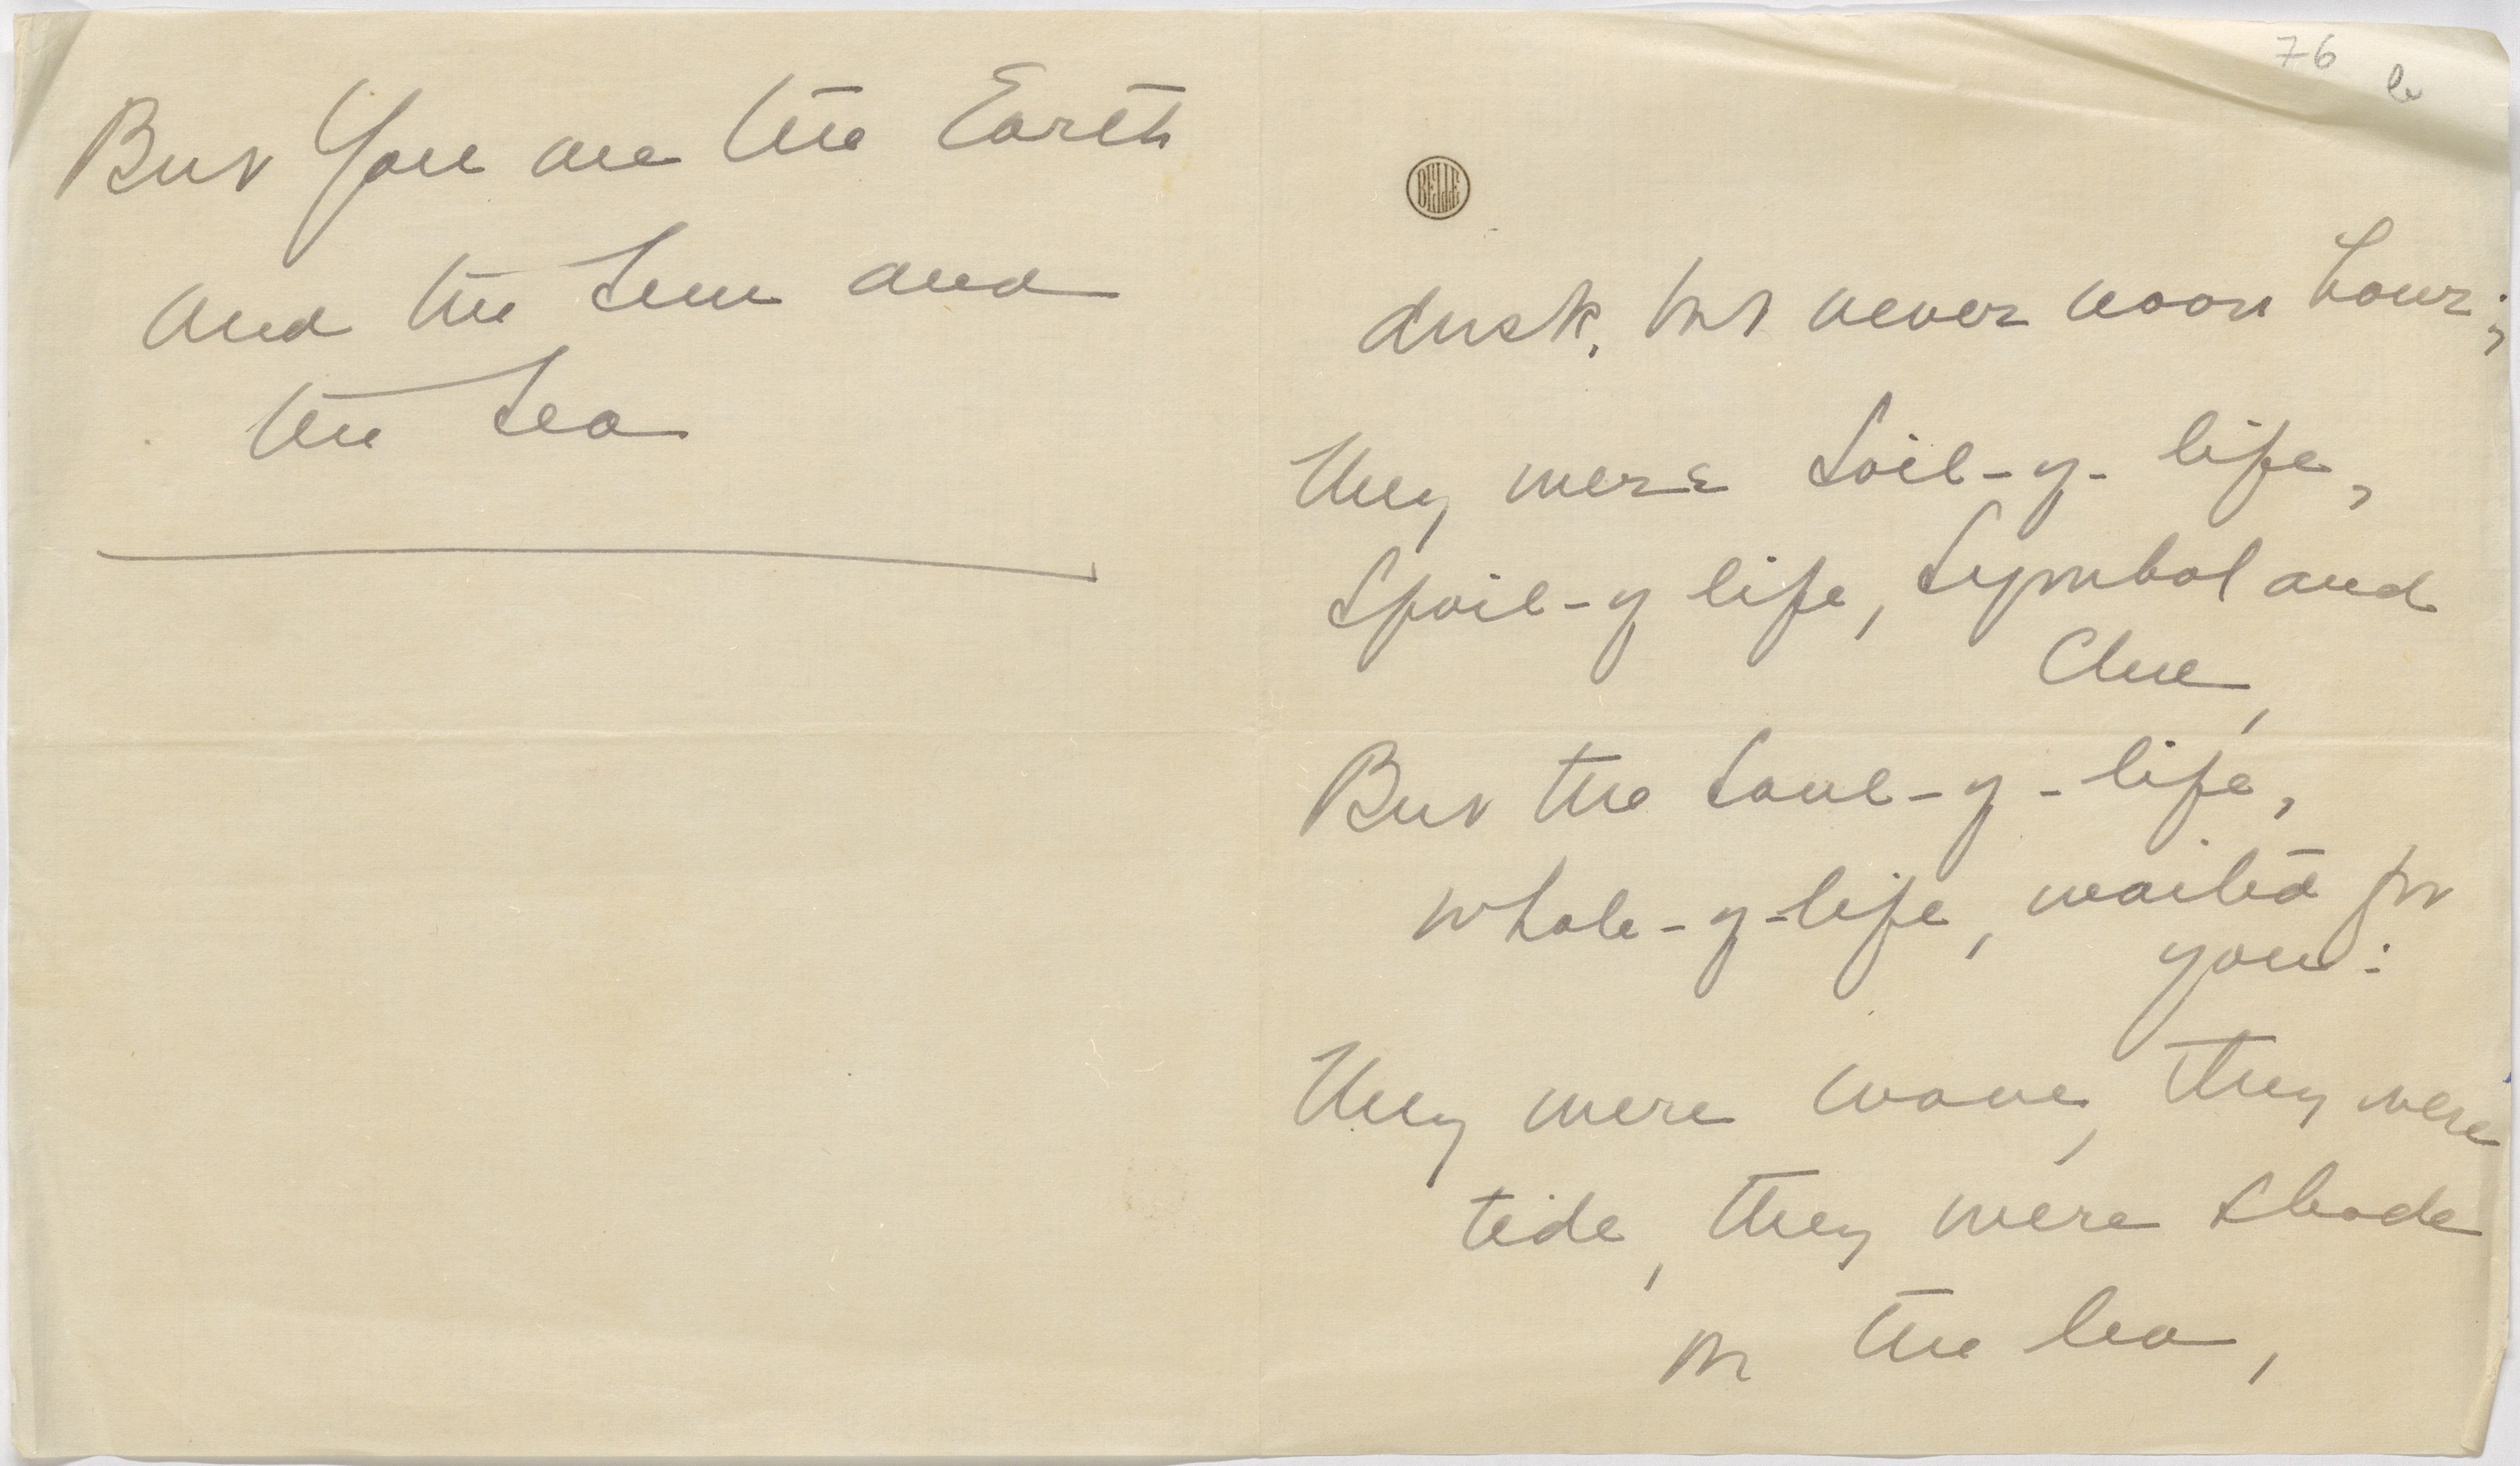dusk, but never noon hour;
They were Soil-of-life, Spoil-of-life, Symbol and Clue,
But the same-of-life, whole-of-life, waited for you:
They were wave, they were tide, they were shade on the lea,
But You are the Earth and the Sun and the Sea